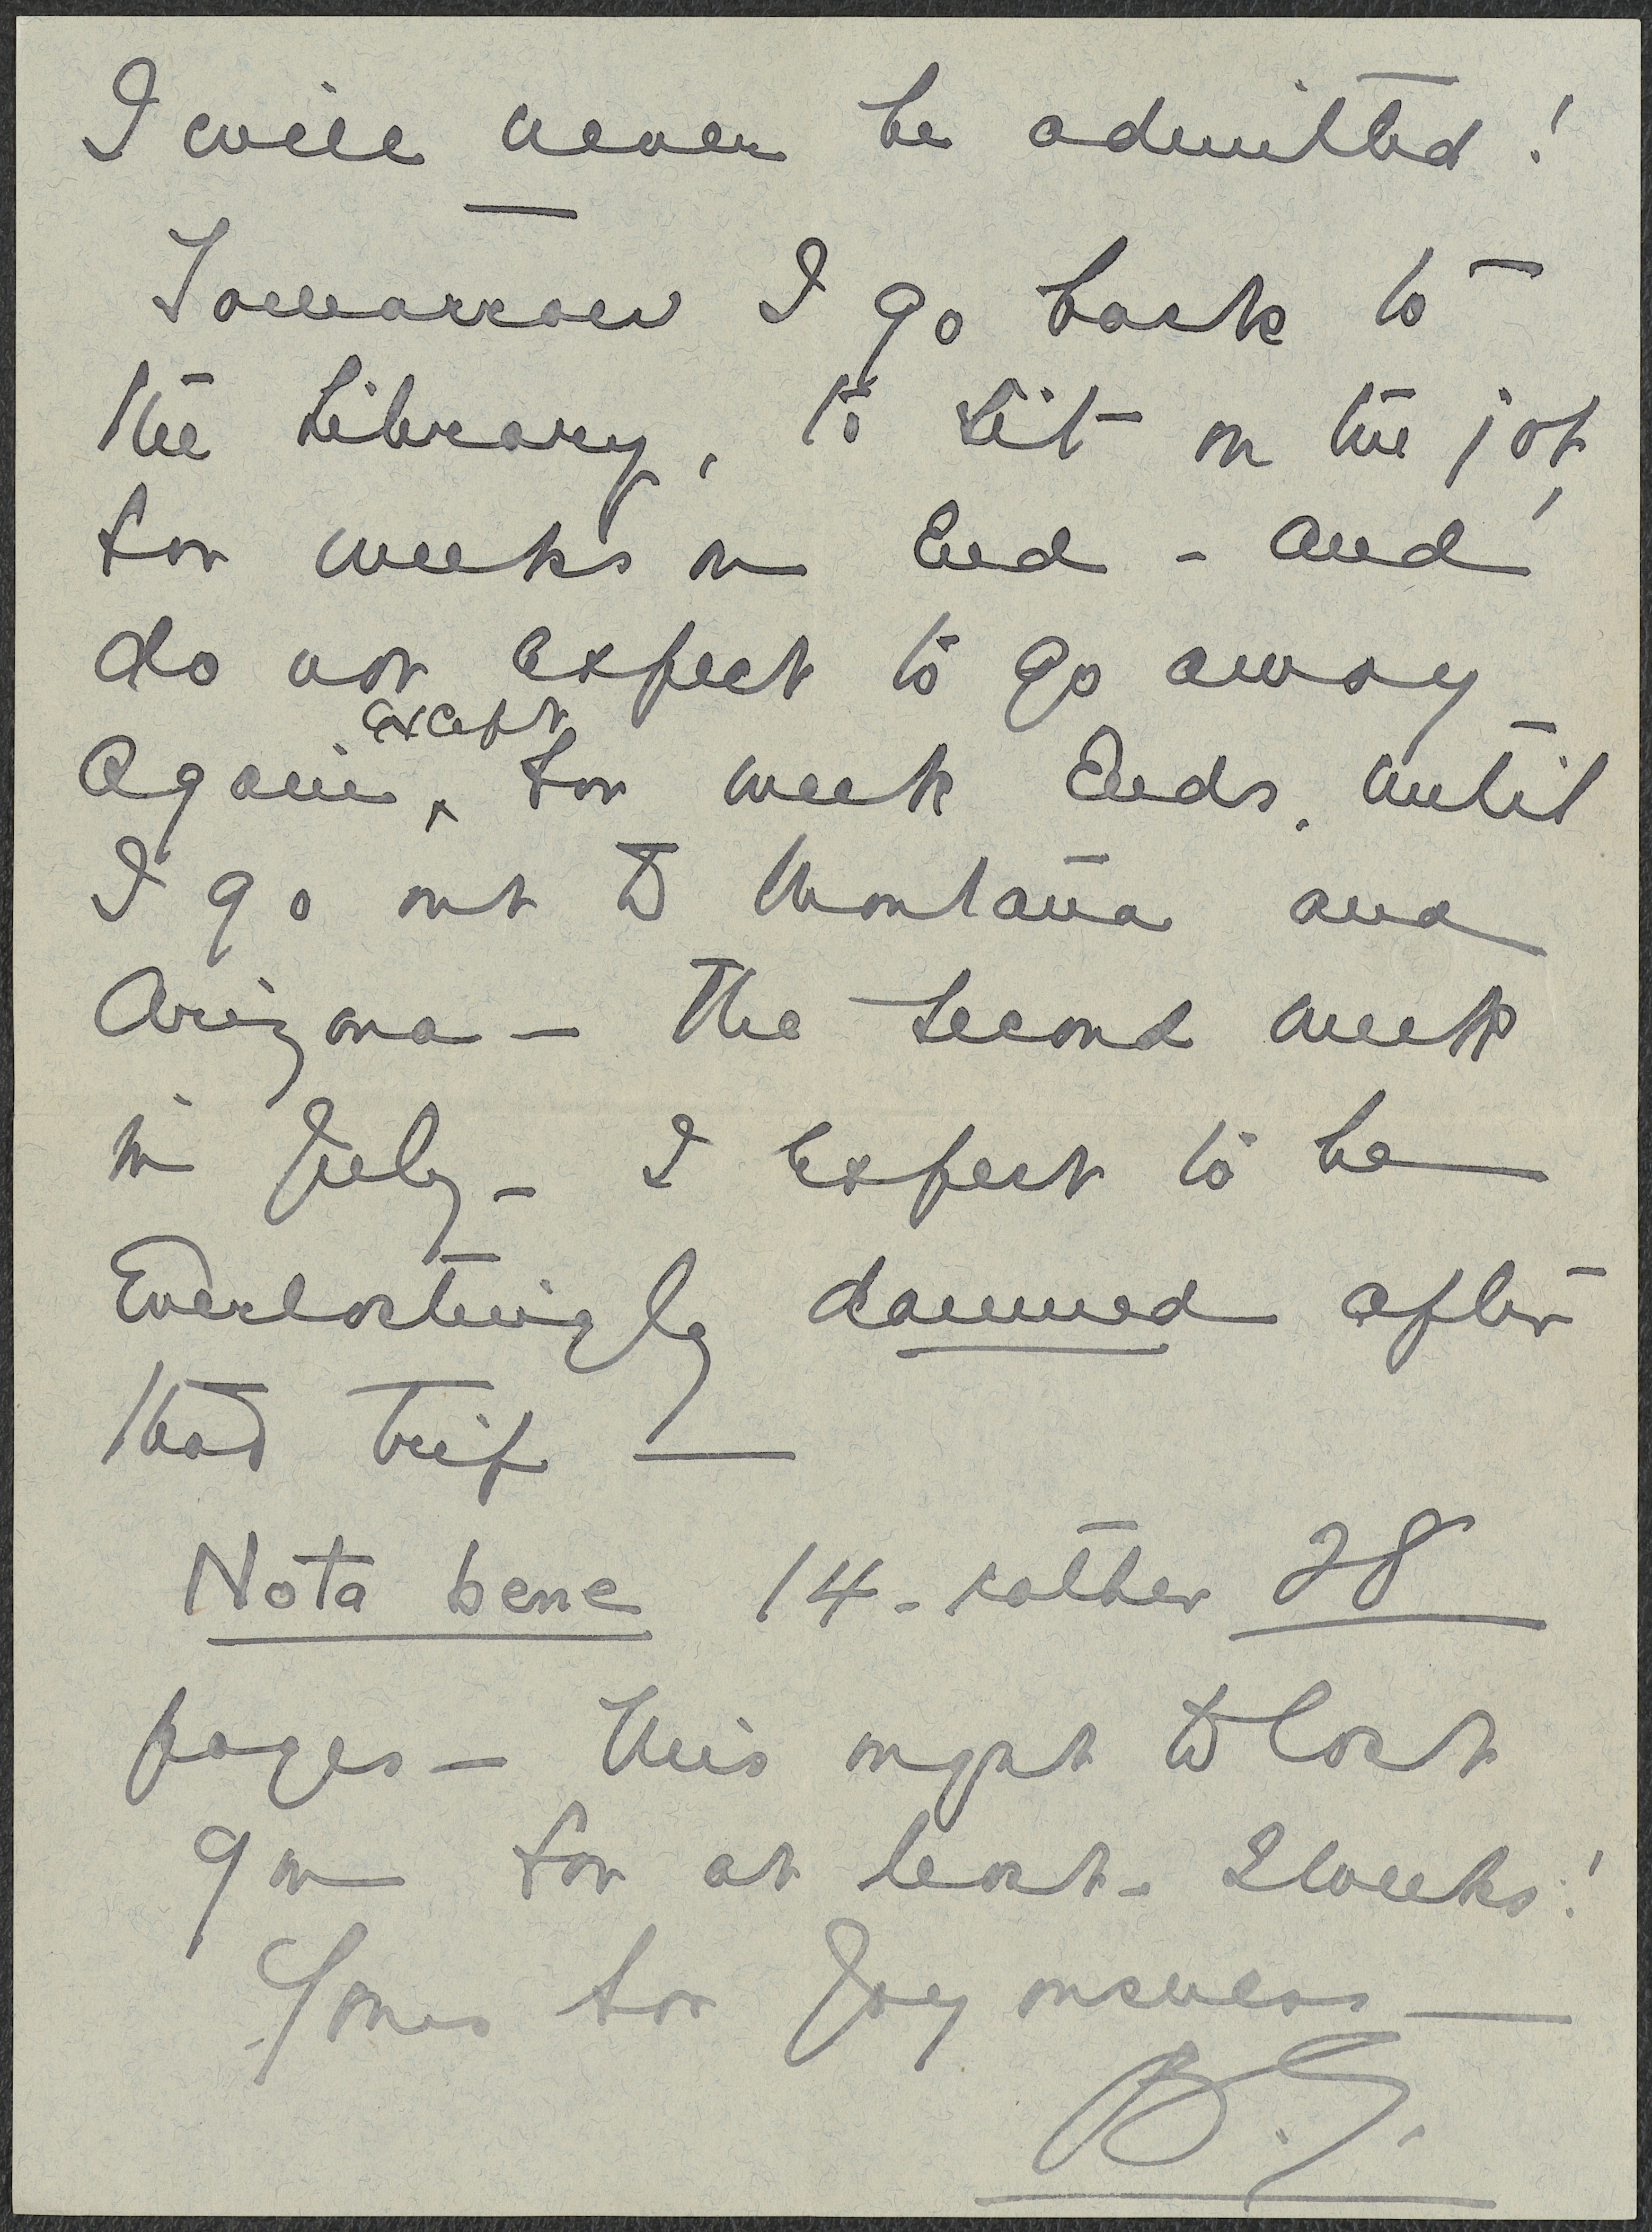I will never be admitted!
Tomorrow I go back to the Library, to sit on the job, for weeks on end – and do not expect to go away again [^except^] for week ends, until I go out to Montana and Arizona – the second week of July – I expect to be everlastingly damned after that trip –
[in secretarial script: Nota bene] 14 – rather 28 pages – This ought to last you for at least 2 weeks!
Yours for Joyousness –
B. G.